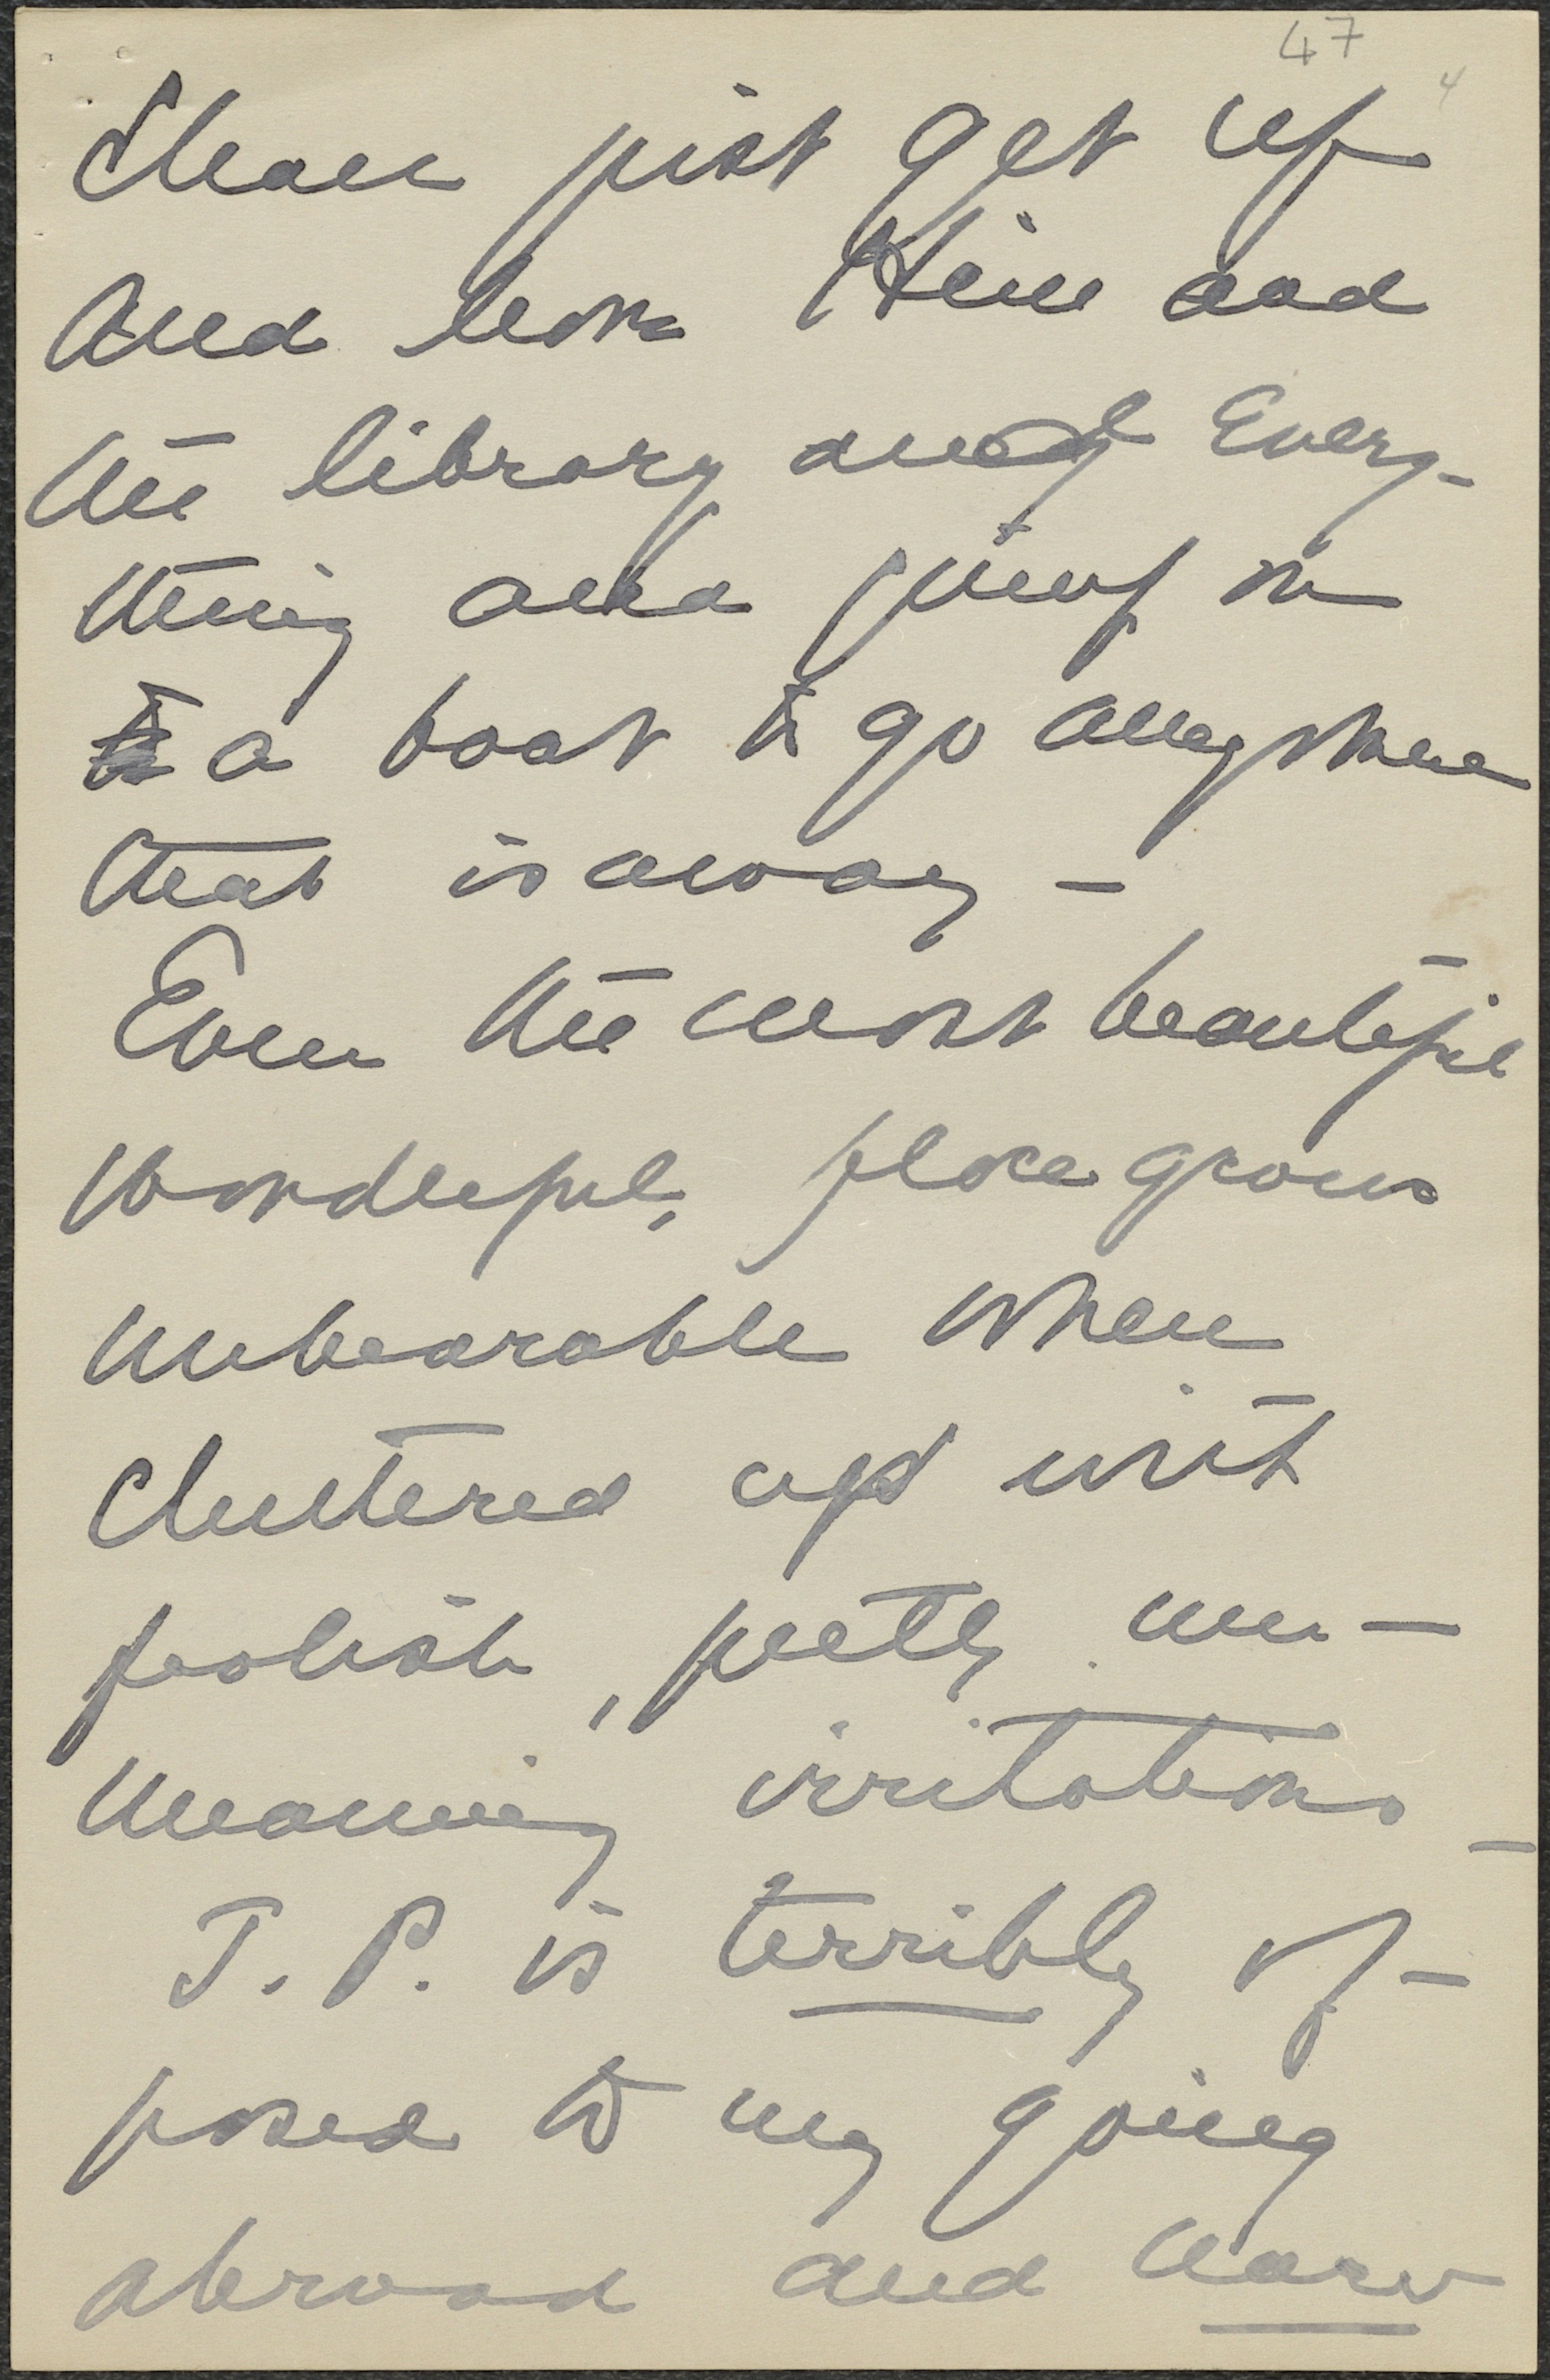shall just get up and leave Him and the library and everything and jump on to a boat to go anywhere that is away –
Even the most beautiful wonderful place grows unbearable when cluttered up with foolish, petty unnerving irritations –
J. P. is terribly opposed to my going abroad and now